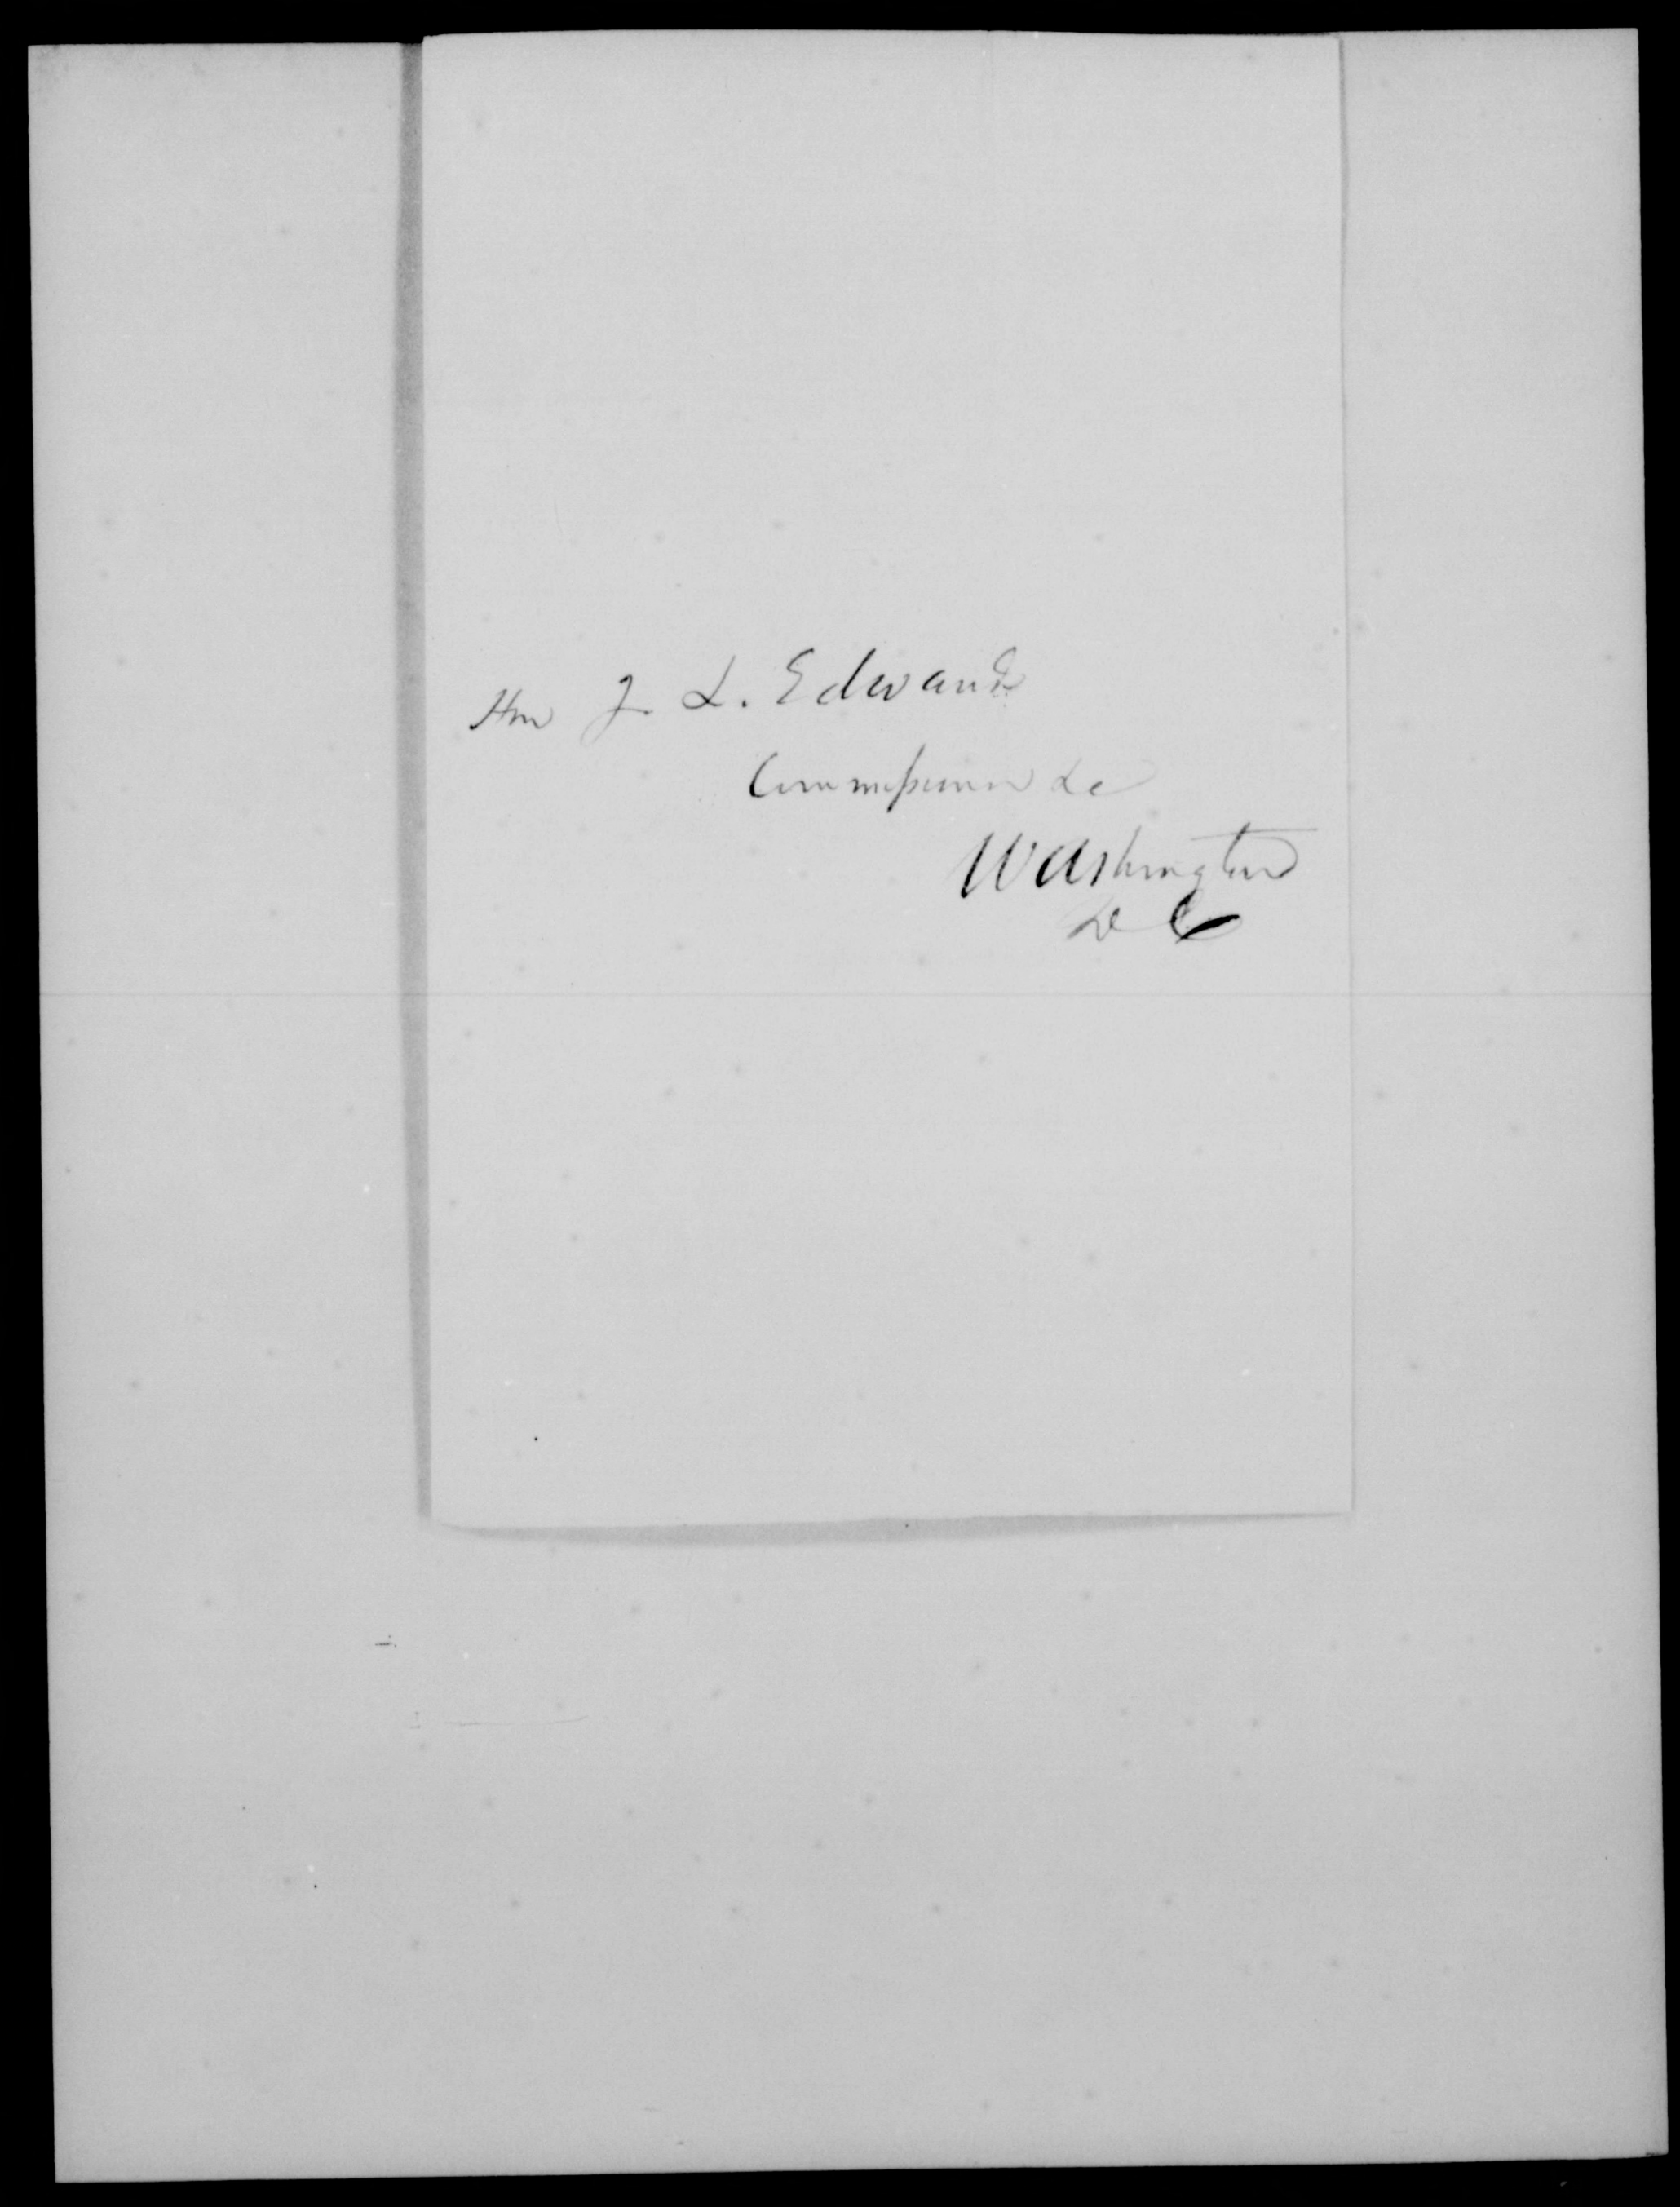Hon J L. Edwards  
Commissioner &c  
Washington D.C.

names: J L Edwards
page: 34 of 55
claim: widow's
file: W. 11480, for Phinehas Smith, Connecticut